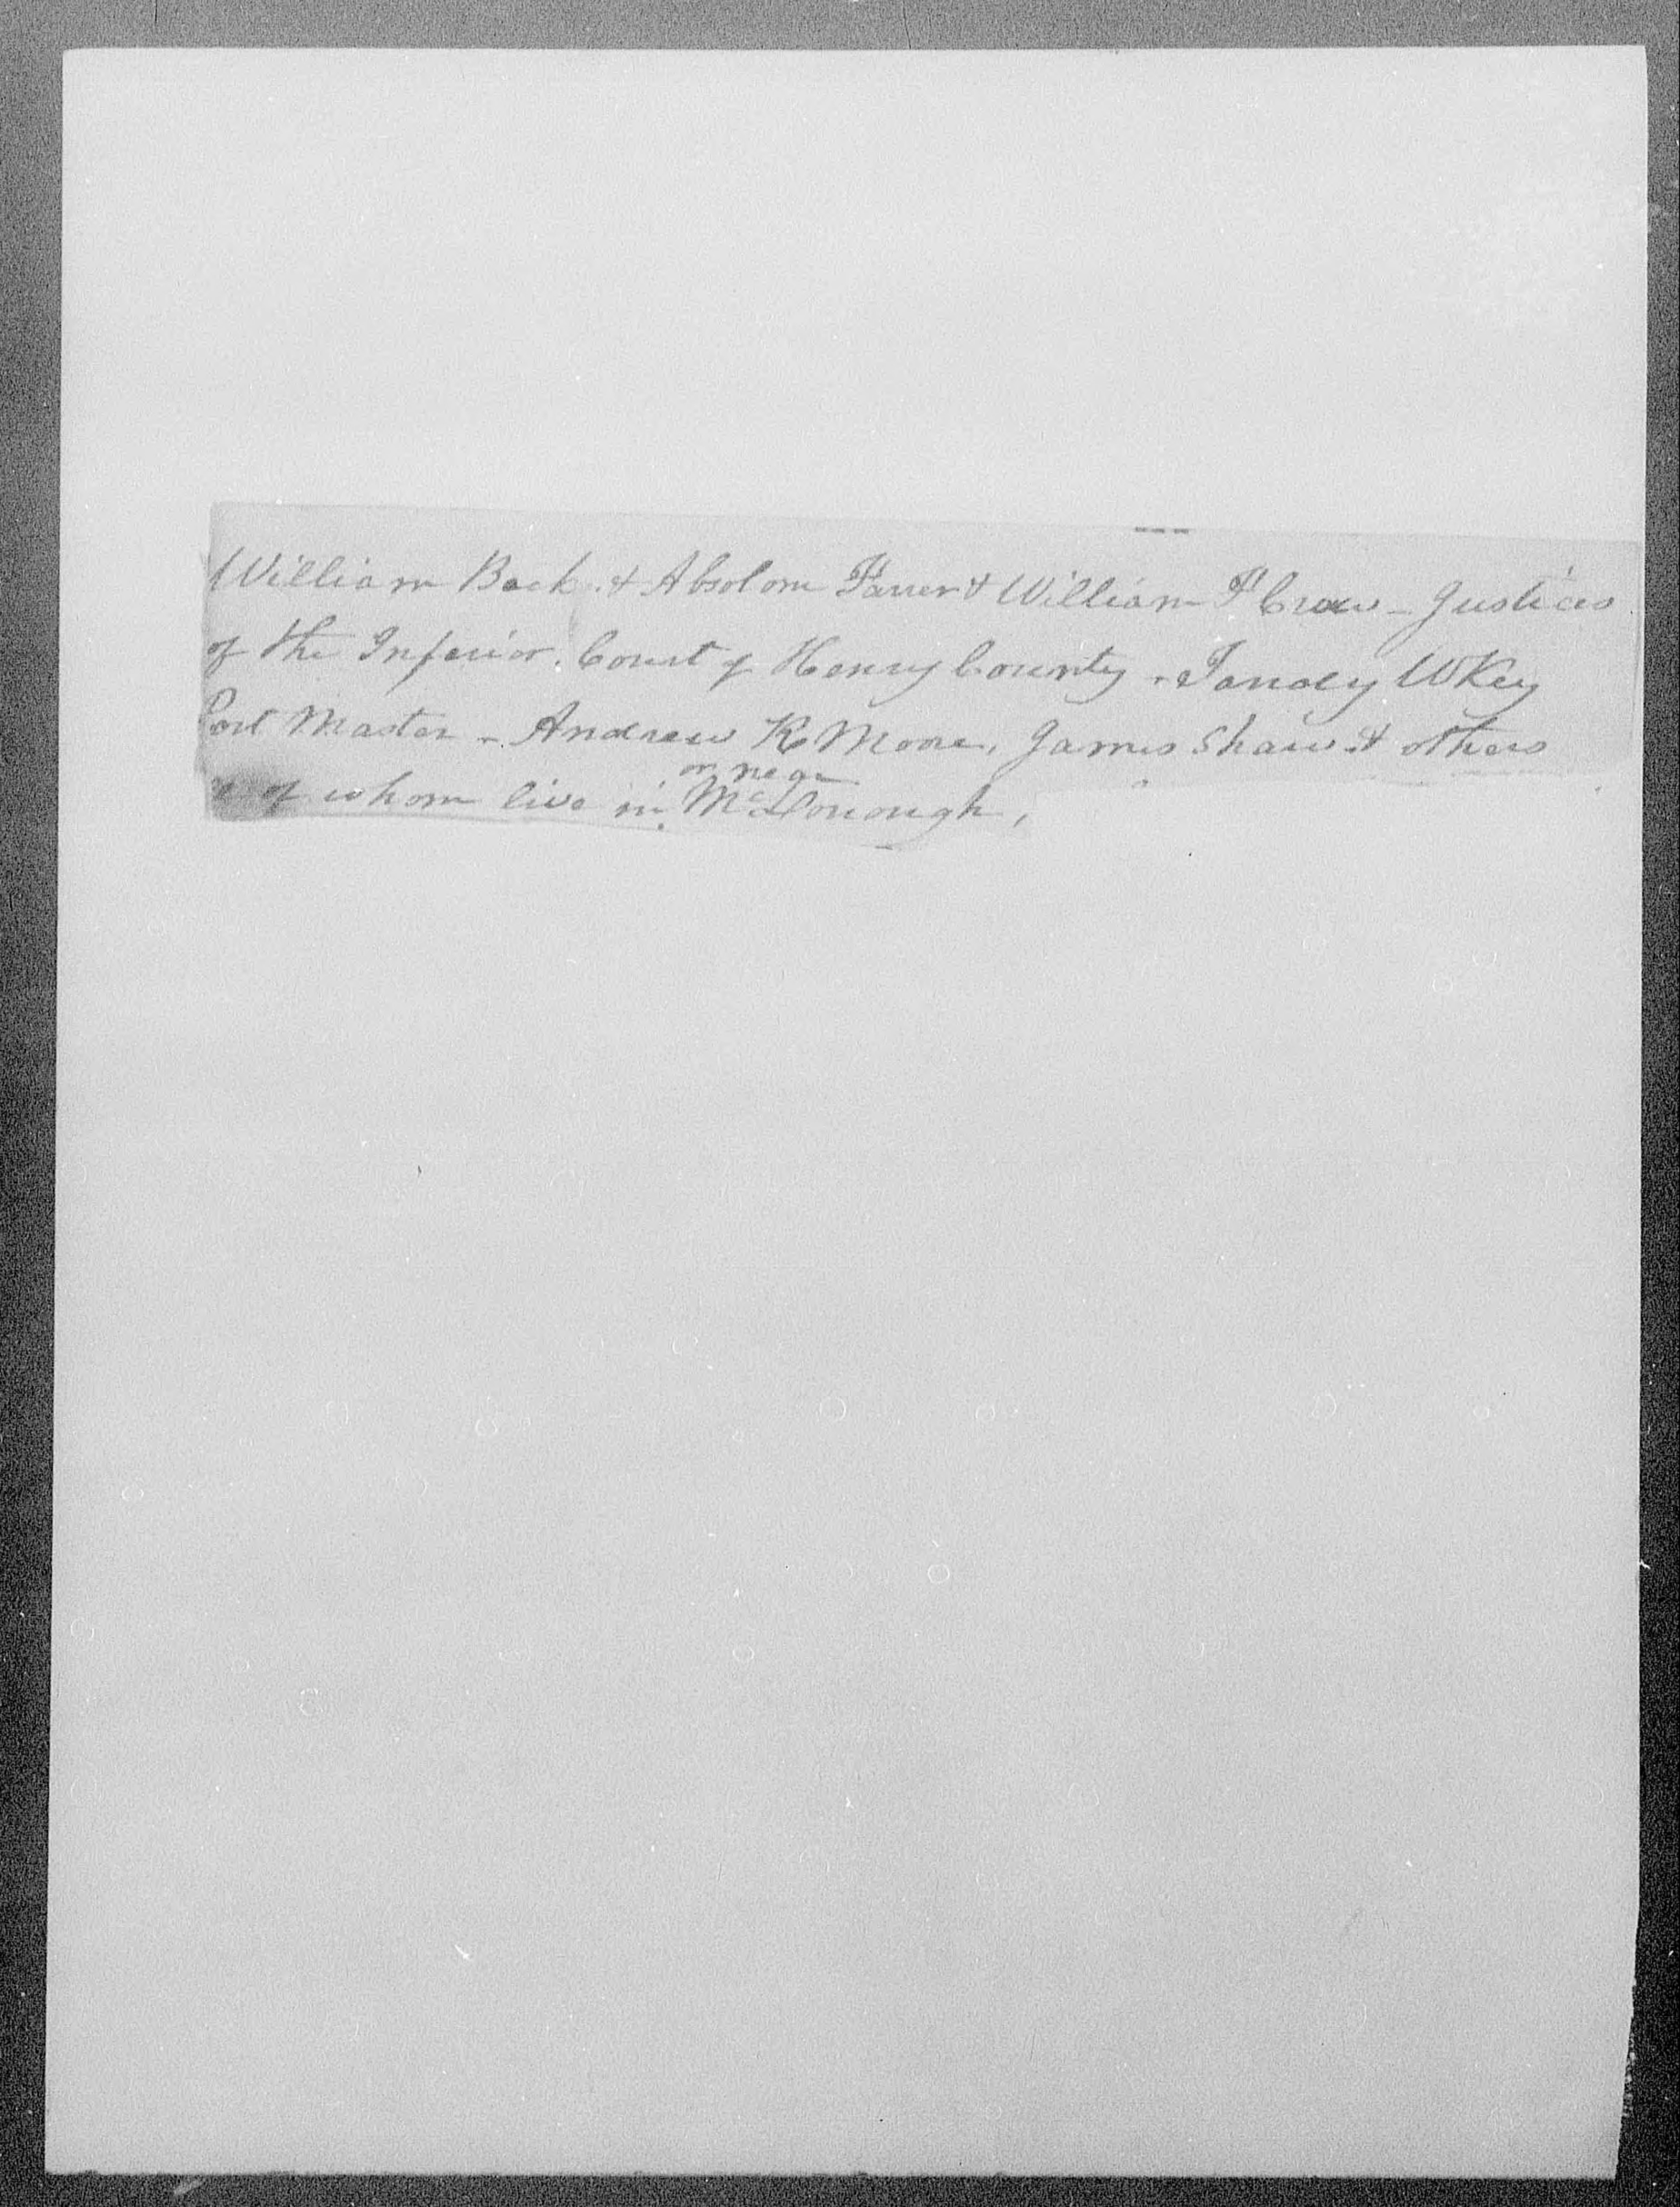William Back & Absolom Farrer & William F Crew, Justices of the Inferior Court of Henry County, - Tandy W Key Postmaster- 
Andrew R Moore, James Shaw & others
of whom live in McDonough,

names: Absolom Farrer, Andrew R Moore, James Shaw, Tandy W Key, William Craw, William Back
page: 23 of 73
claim: widow's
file: W. 5,894, John Cash, Va.